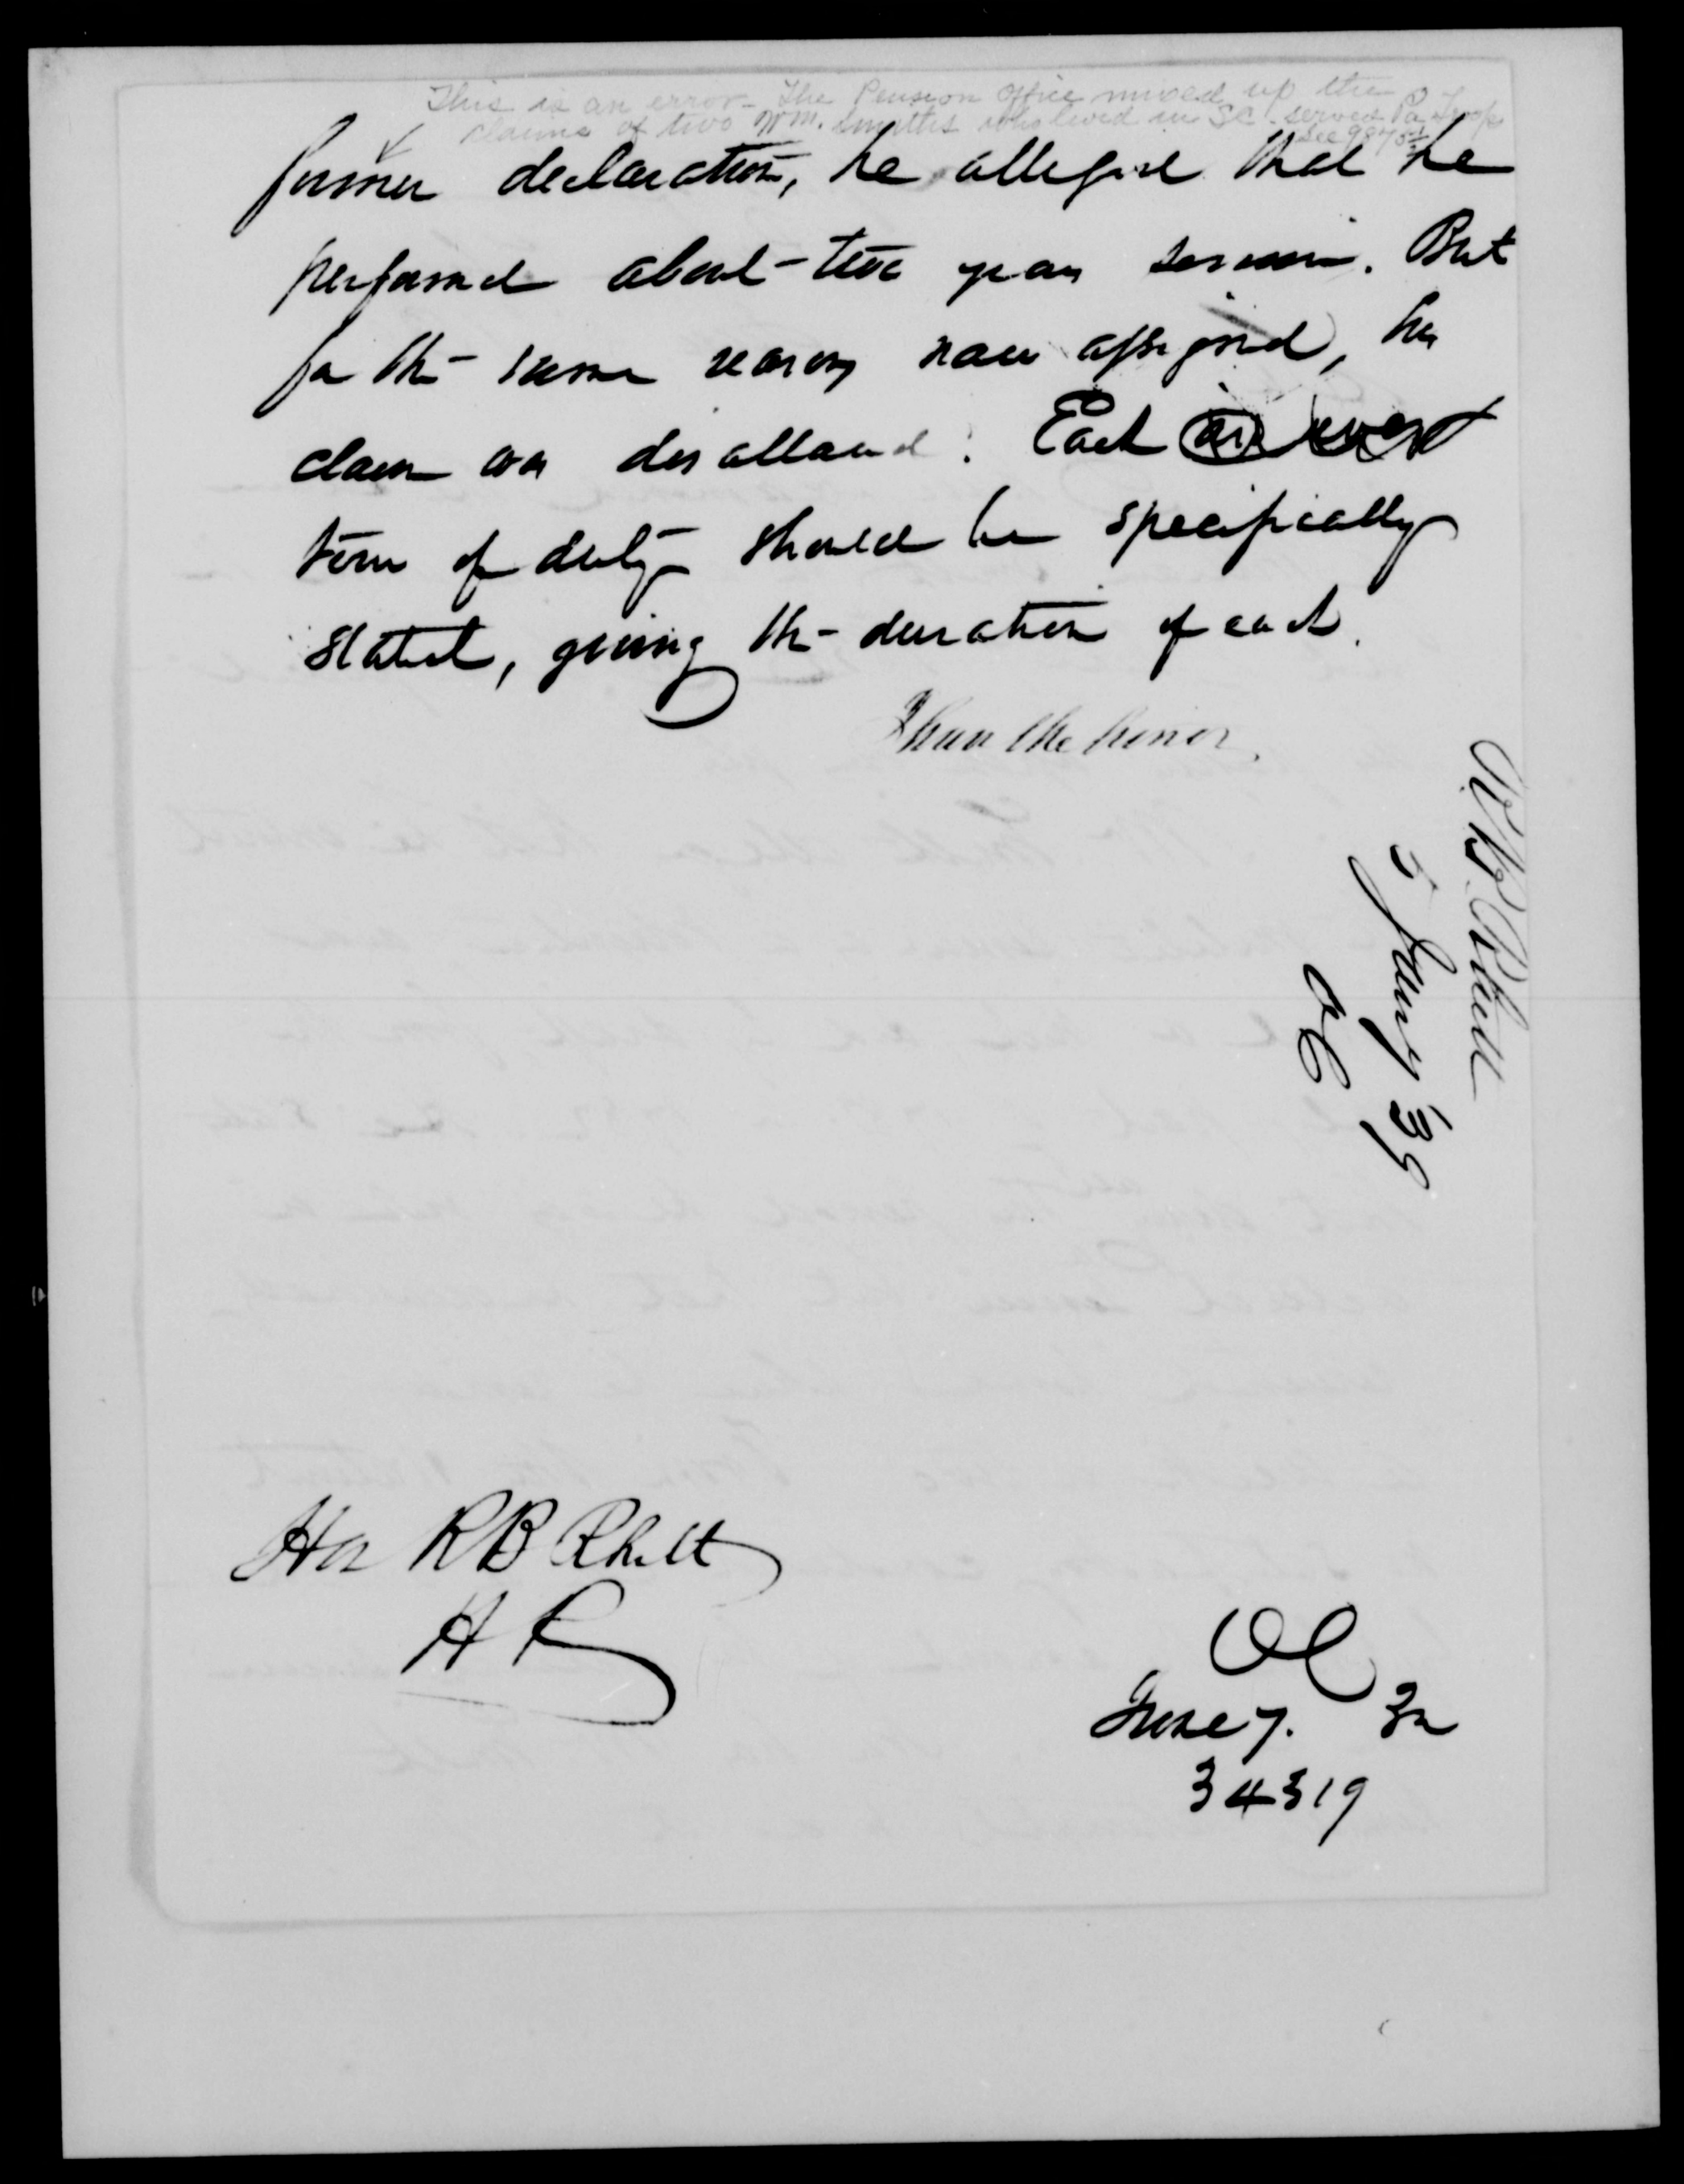[later addition noted at top of page] This is an error - The Pension Office mixed up the claims of two Wm. Smiths who lived in SC, served Pa Troops See 9875 1/2

former declaration, he alleged that he performed about two years service. But
for the same reason now assigned, he claims as disallowed. Each term of duty should be specifically stated, giving the duration of each.
I have the honor.


Hon. RB Rhett
HR

OC
June 7. 32
34319

[sideways text]
R.B. Rhett
5 Jany '39
OC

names: R B Rhett; R B Rhett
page: 20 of 21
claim: rejected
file: R. 9875, for William Smith, South Carolina